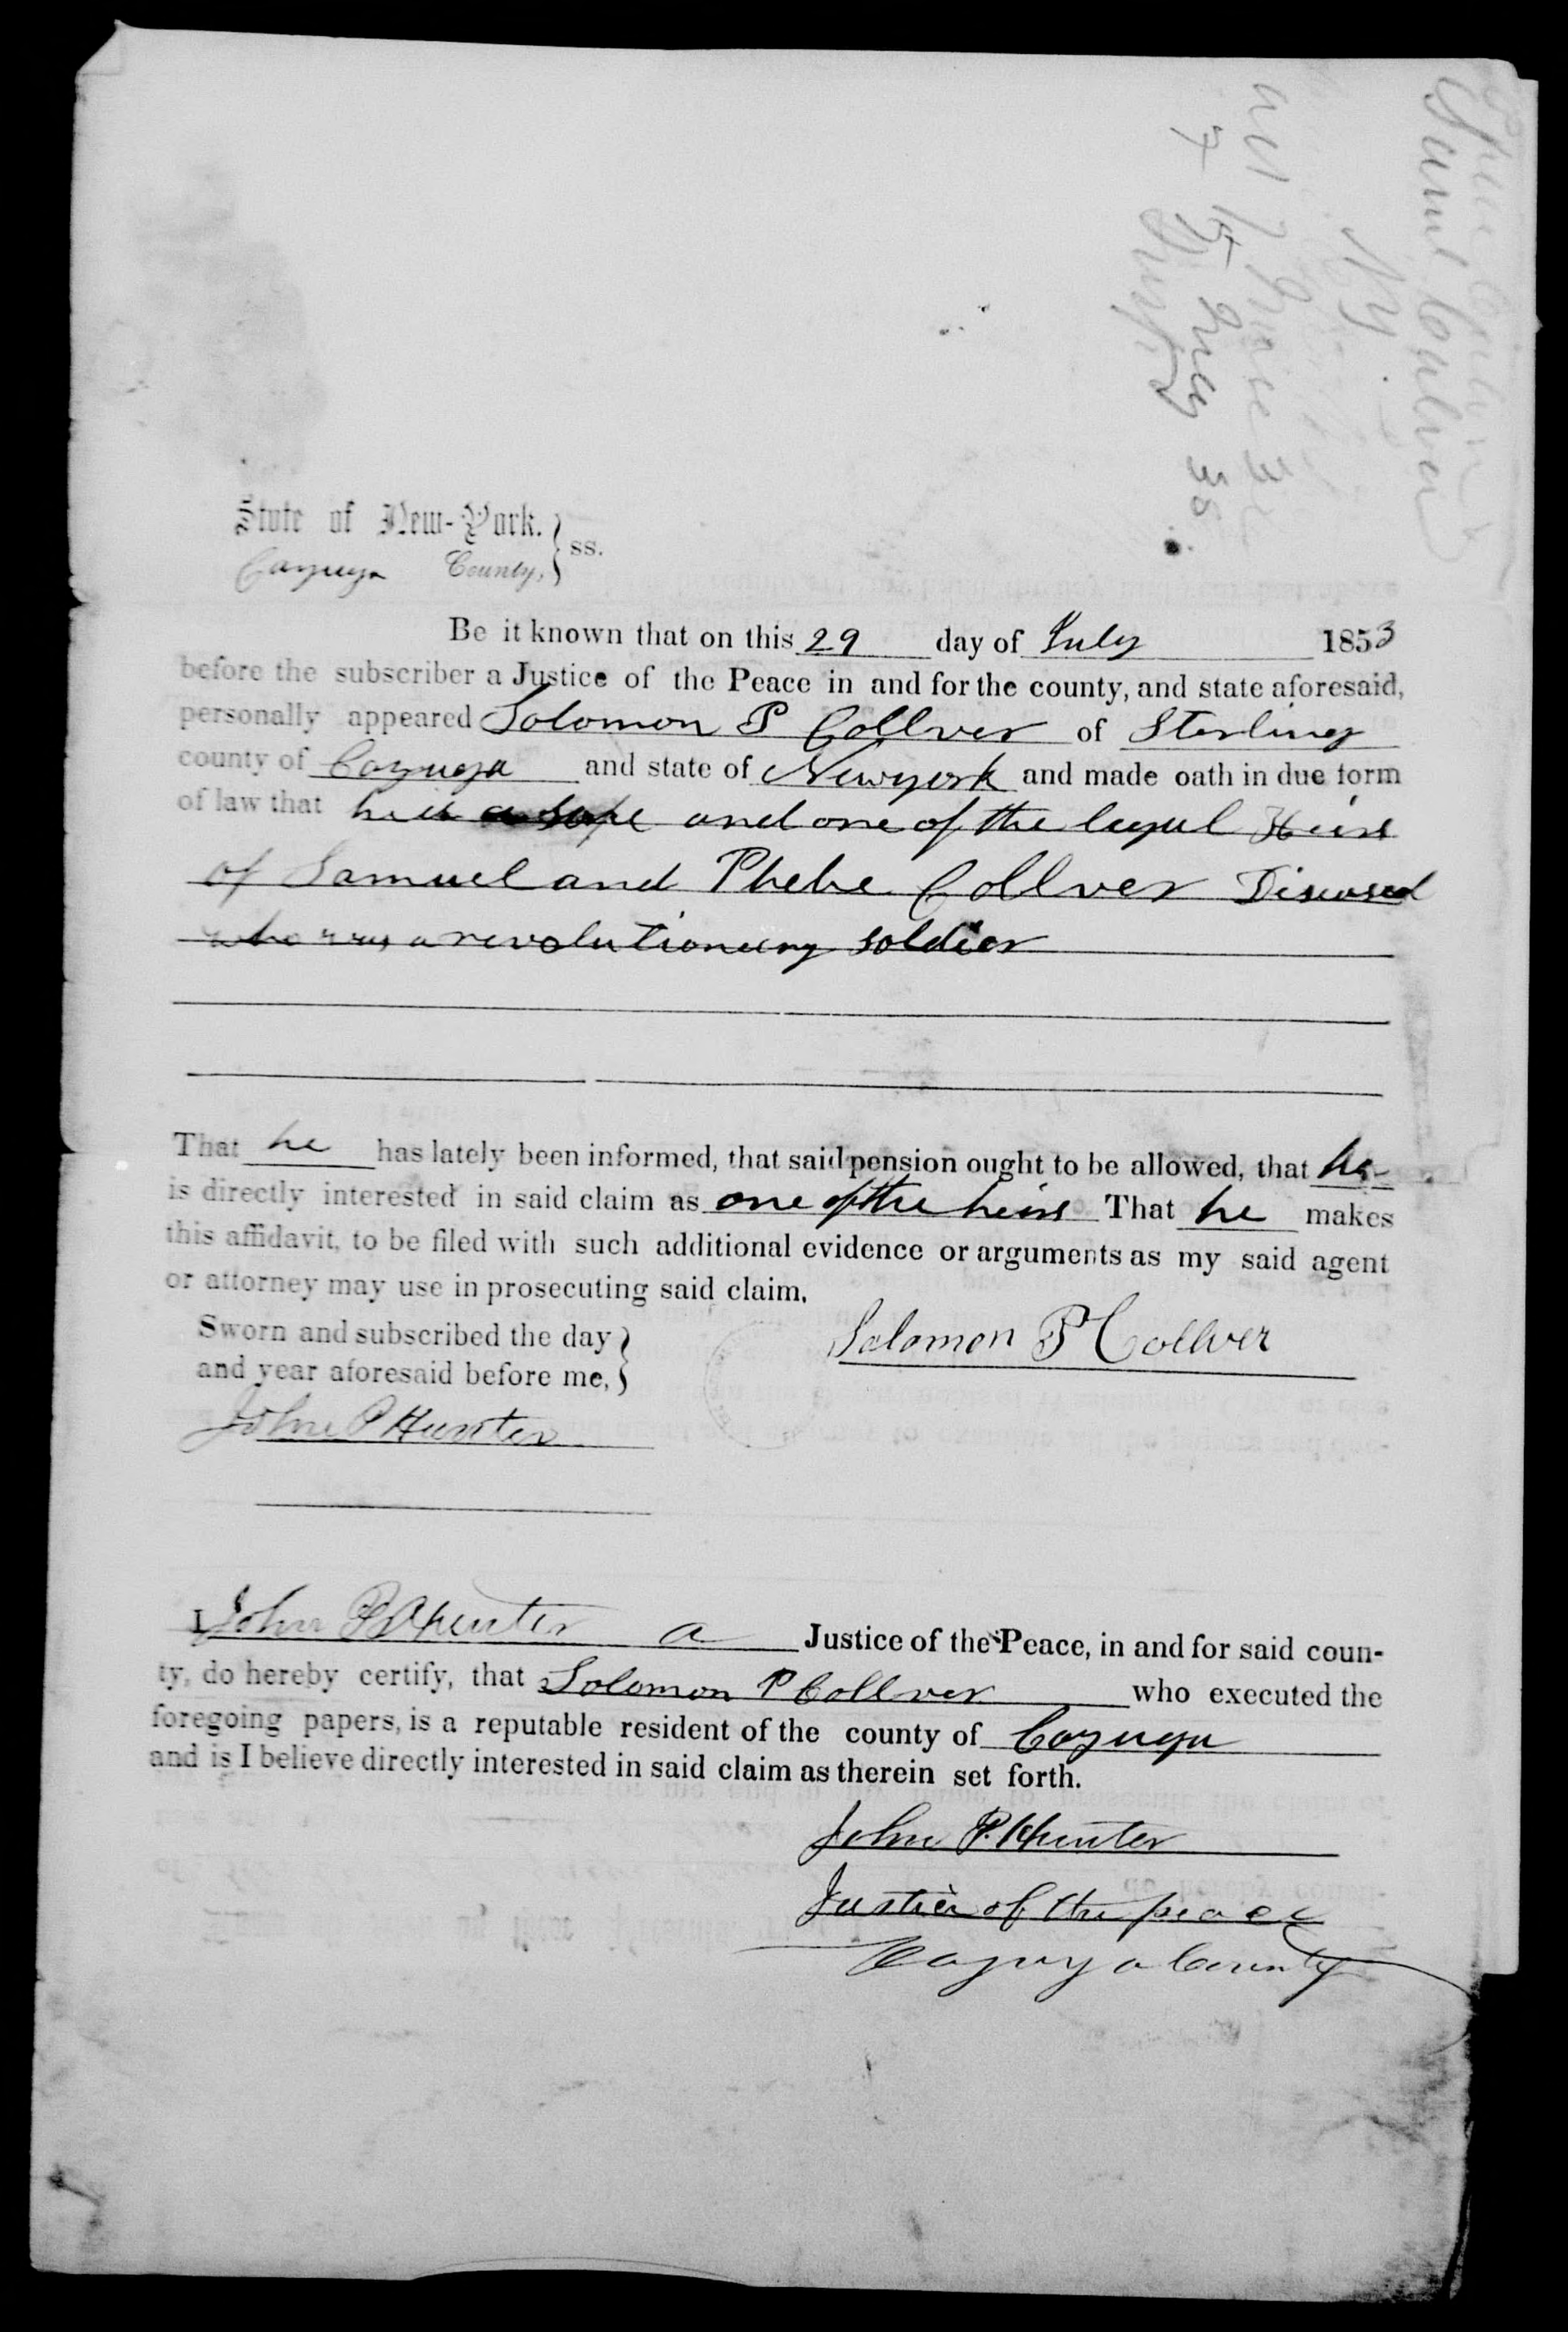State of New York  )

Cayuga County,      )  SS.

	Be it know that on this 29 day of July 1853
before the subscriber a Justice of Peach in and for the county, and state aforesaid,
personally appeared Solomon P Collver of Sterling
county of Cayuga and state of New York and made oath in due form
of law that  he is same and one of the legal heirs 
of Samuel and Phebe Collver deceased 
who was a revolutionary soldier

That he has lately been informed , that said pension ought to be allowed, that he
is directly interest in said claim as one of the heirs that he makes 
this affidavit, to be filed with such additional evident or arguments as my said agent
 or attorney may use in prosecuting said claim.
							Solomon P Collver [signature]

					[stamp – the National Archives of the United States]
Sworn and subscribed the day )
and year aforesaid before me, )

John P Hunter [signature]

	I John P Hunter a Justice of Peace, in and for said coun – 
ty, do hereby certify, that Solomon P Collover who executed the
foregoing papers, is a reputable resident of the county of Cayuga
and is I believe directly interested in said claim as therein set forth.

				John P. Hunter [signature]
				Justice of the Peace 
				Cayuga County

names: Samuel Collver, John P Hunter, Saml Culver, Solomon P Collver, John P Hunter, John P Hunter, Phebe Collver, Solomon P Collver, Solomon P Collver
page: 16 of 40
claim: rejected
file: R. 1,570, Samuel Culver, New Jersey